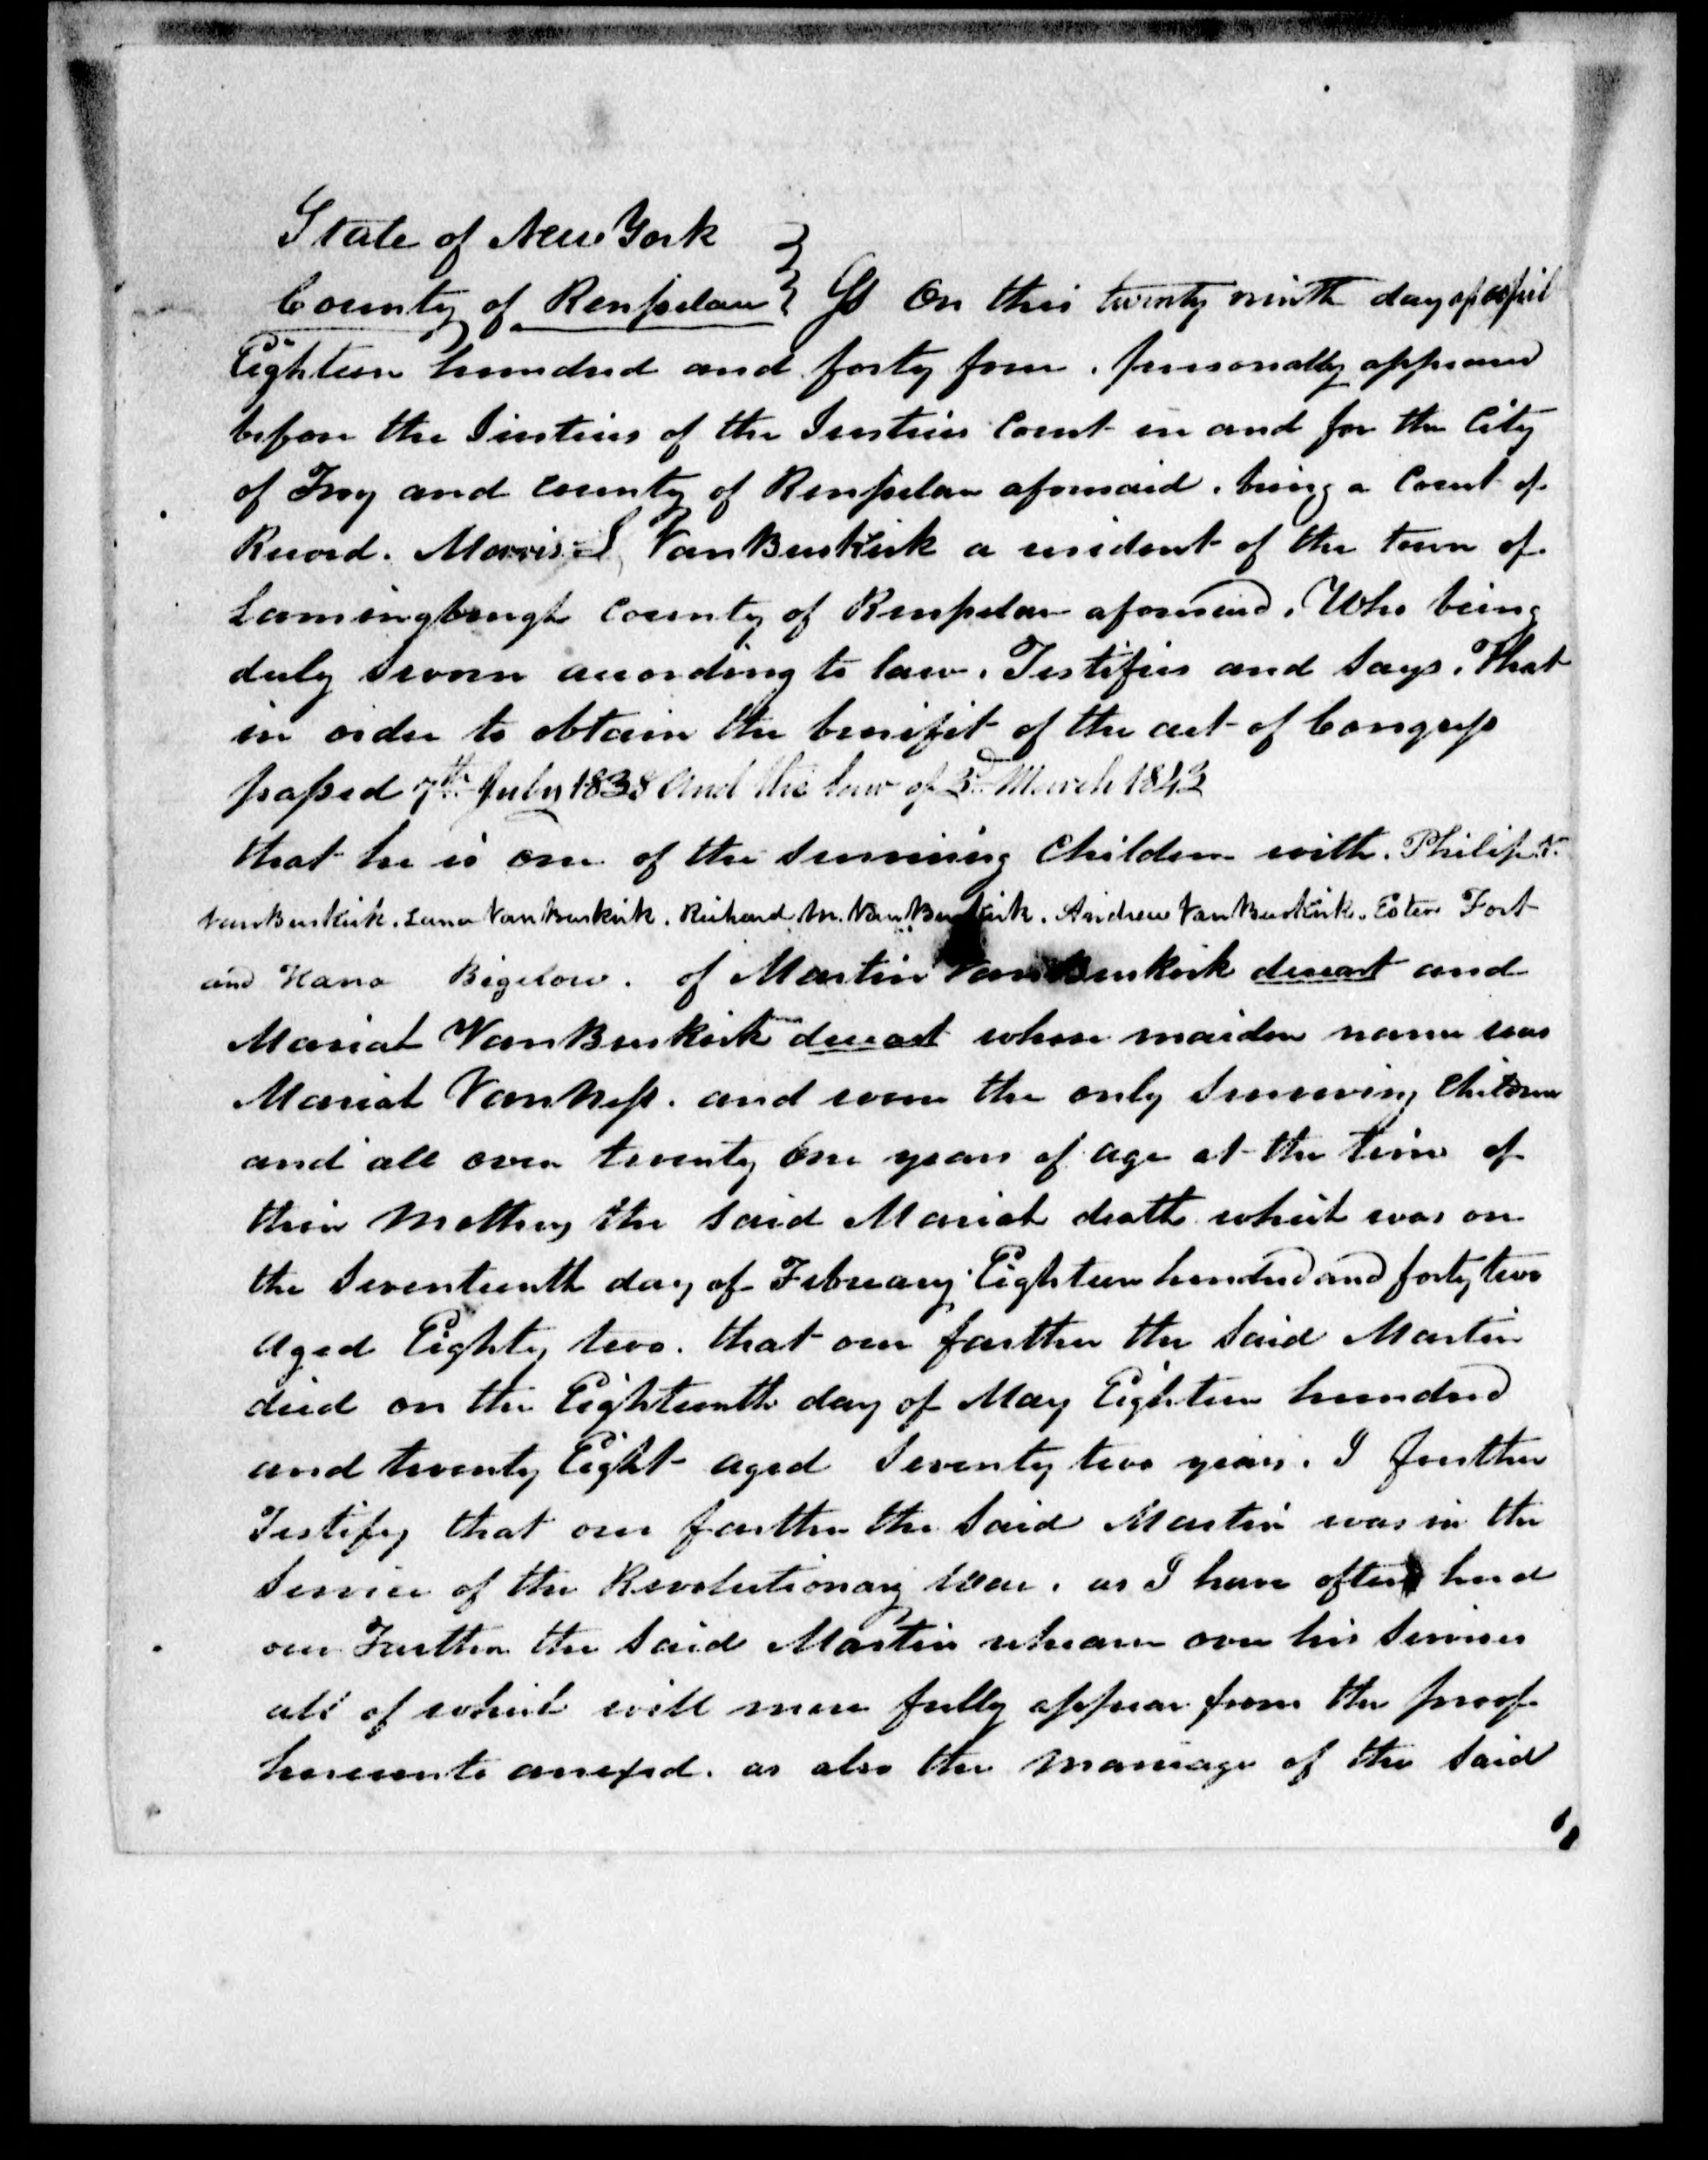State of New York
County of Rensselaaer SS

On this twenty ninth day of April Eighteen hundred and forty four, personally appeared
before the Justices of the Justices Court in and for the City of Troy and County of Rensselaer aforesaid, being a Court of Record, Morris Van Buskirk a resident of the town of Lansingburgh  County of Rensselaer aforesaid.  Who being
duly sworn according to law, Testifies and says. That in order to obtain the benefit of the act of Congress passed 7th July 1838 and the law of 3d March 1843 that he is one of the surviving children with Philip Van Buskirk, Lana Van Buskirk, Richard M. Van Buskirk, Andrew Van Buskirk, Ester Fort and Hand Bigelow of Martin Van Buskirk deceased [deceased is underlined] and Mariah Van Buskirk deceased [deceased is underlined] whose maiden name was Mariah Van Ness, and [illegible] the only surviving children and all over twenty one years of age at the time of their mother, the said Mariah death which was on the Seventeenth day of February Eighteen hundred and forty two aged Eighty two. that our father the said Martin died on the Eighteenth day of May Eighteen hundred
and twenty Eight aged Seventy two years. I further Testify that our father the said Martin was in the service of the Revolutionary War, as I have often heard our father the said Martin whereas over his services all of which will more fully appear from the proof hereunto anexed. as also the marriage of the said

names: Martin, Martin, Andrew Van Buskirk, Martin Van Buskirk, Mariah Van Buskirk, Mariah, Ester Fort, Martin, Philip V Van Buskirk, Luna Van Buskirk, Richard M Van Buskirk, Mariah Van Ness, Hana Bigelow, Morris S Van Buskirk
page: 57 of 70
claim: rejected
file: R. 10,832, Martin Van Buskirk, New York.